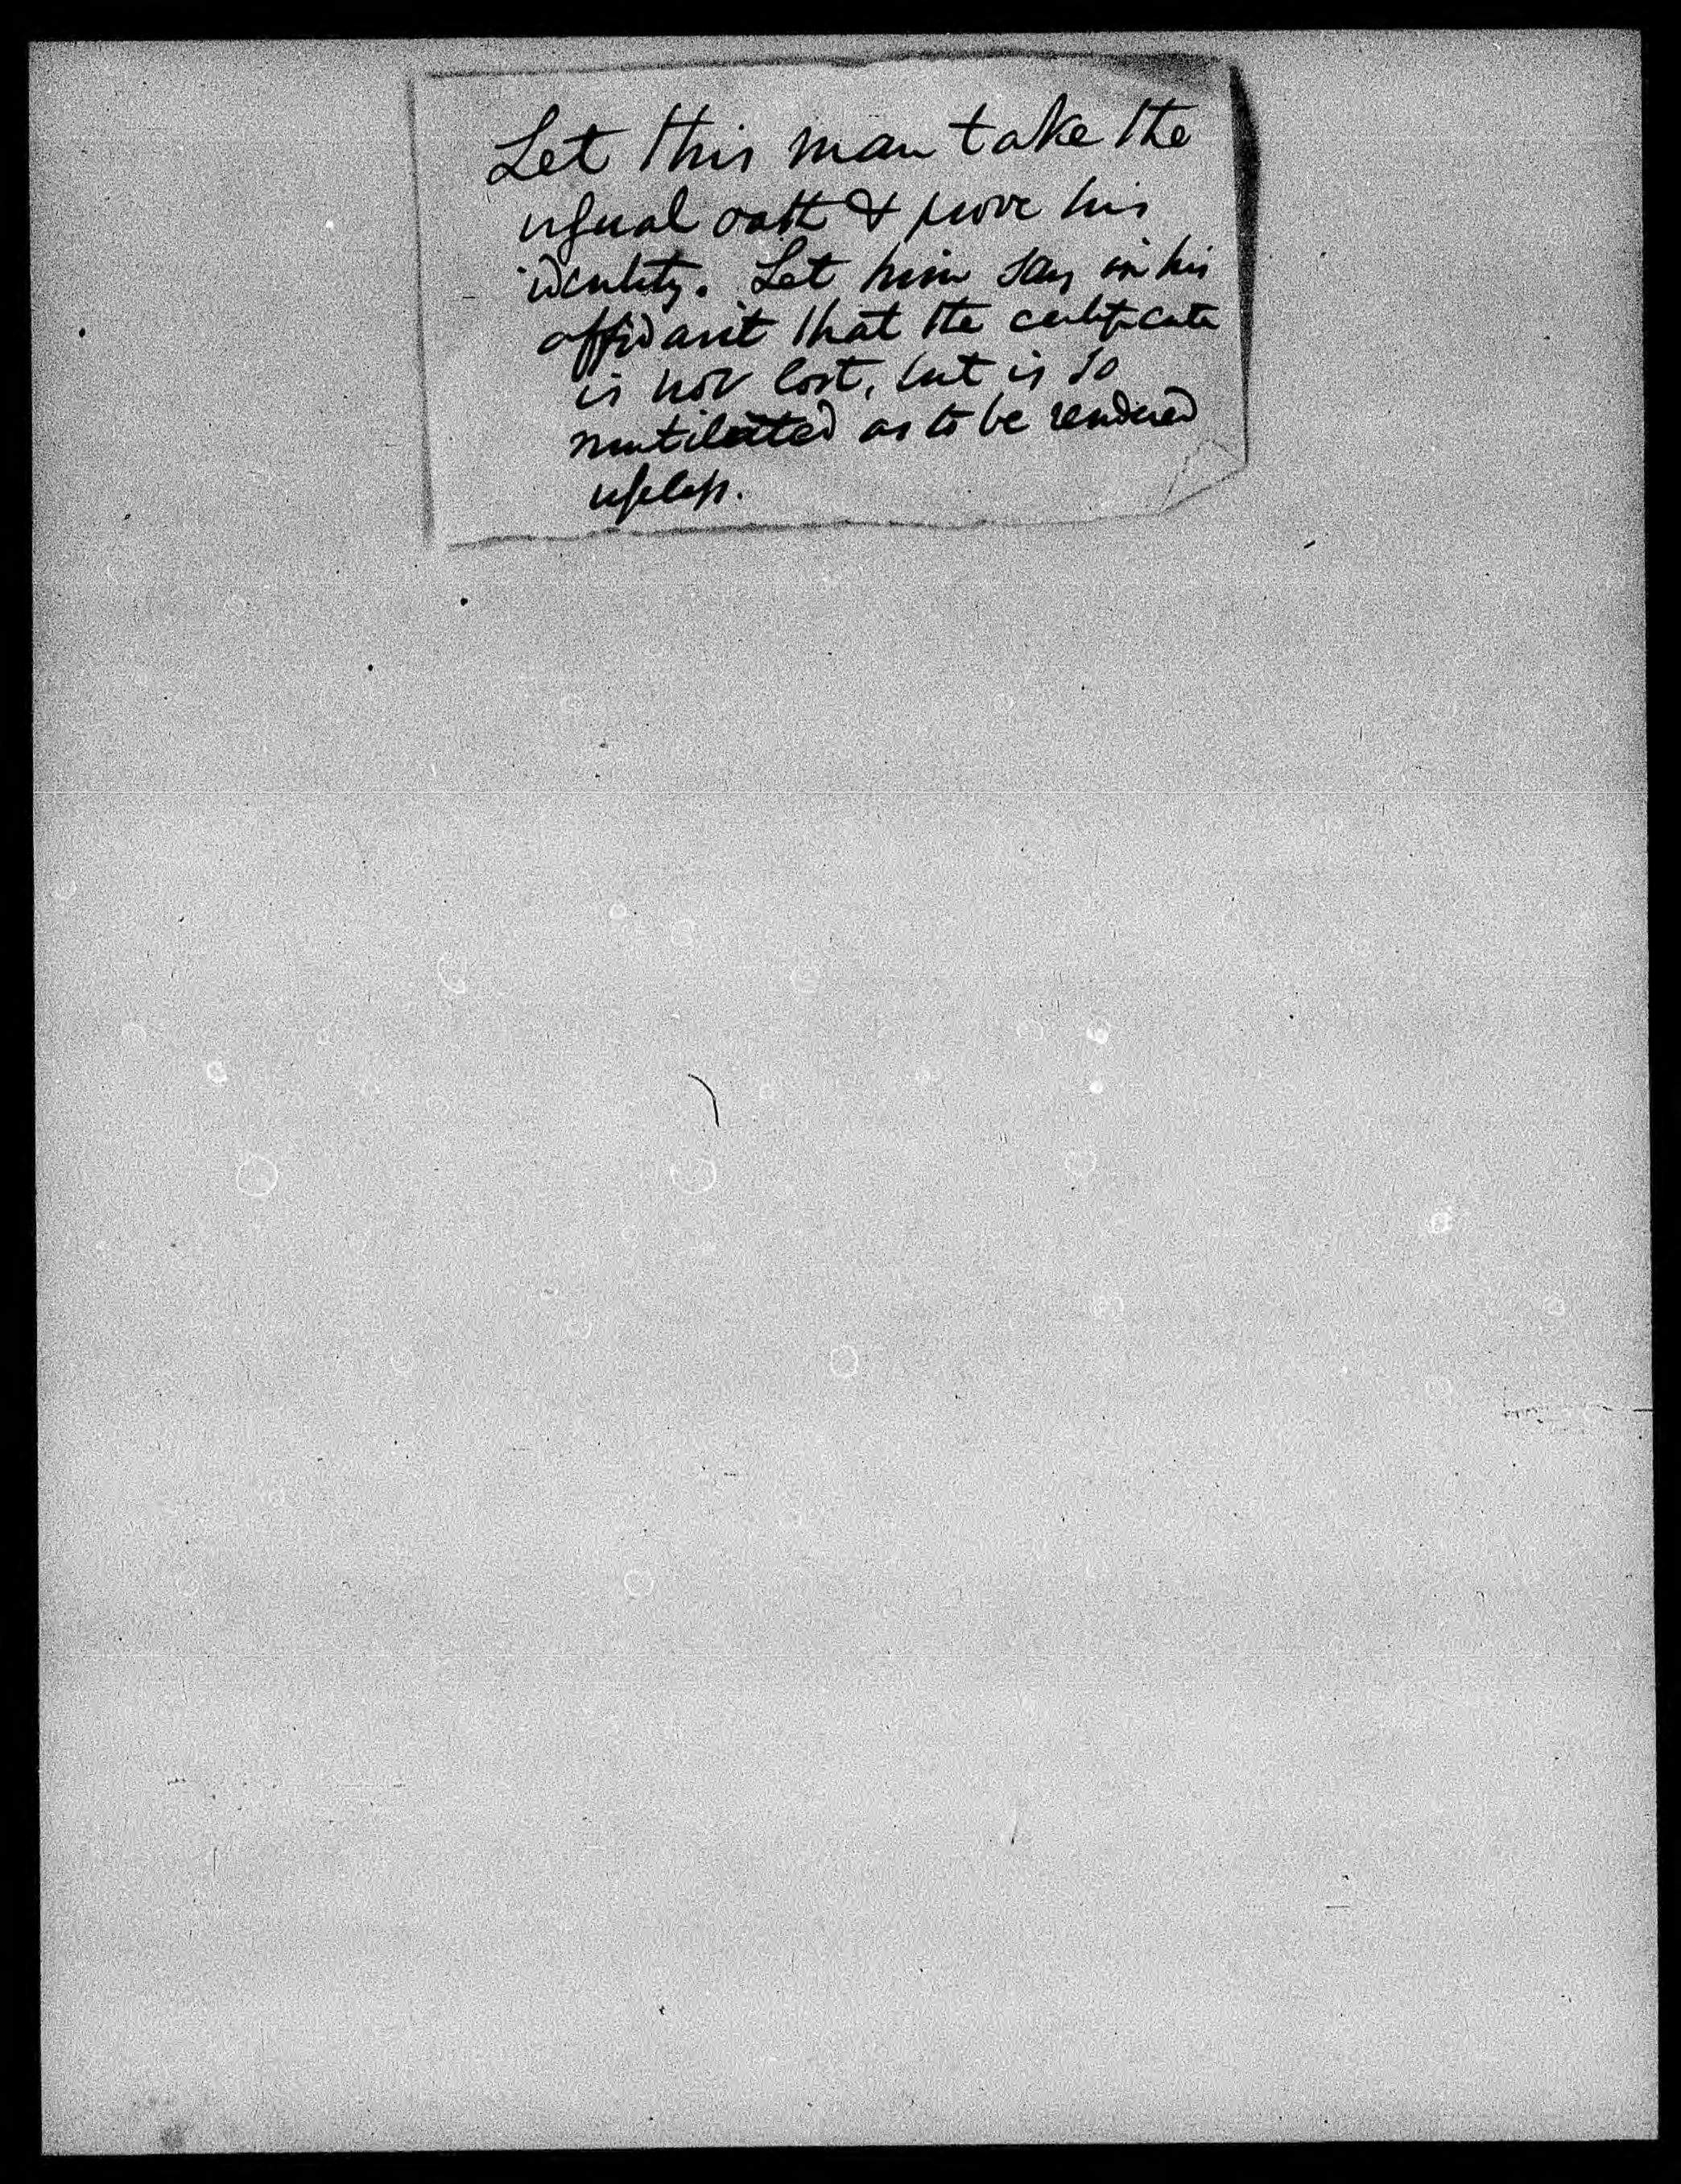Let this man take the
usual oath & prove his
[illegible]ity.  Let him say in his
affidavit that the certificate
is not lost, but is to
mutilated as to be rendered
useless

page: 53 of 115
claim: widow's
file: W. 1446, for John Mc Clung, South Carolina